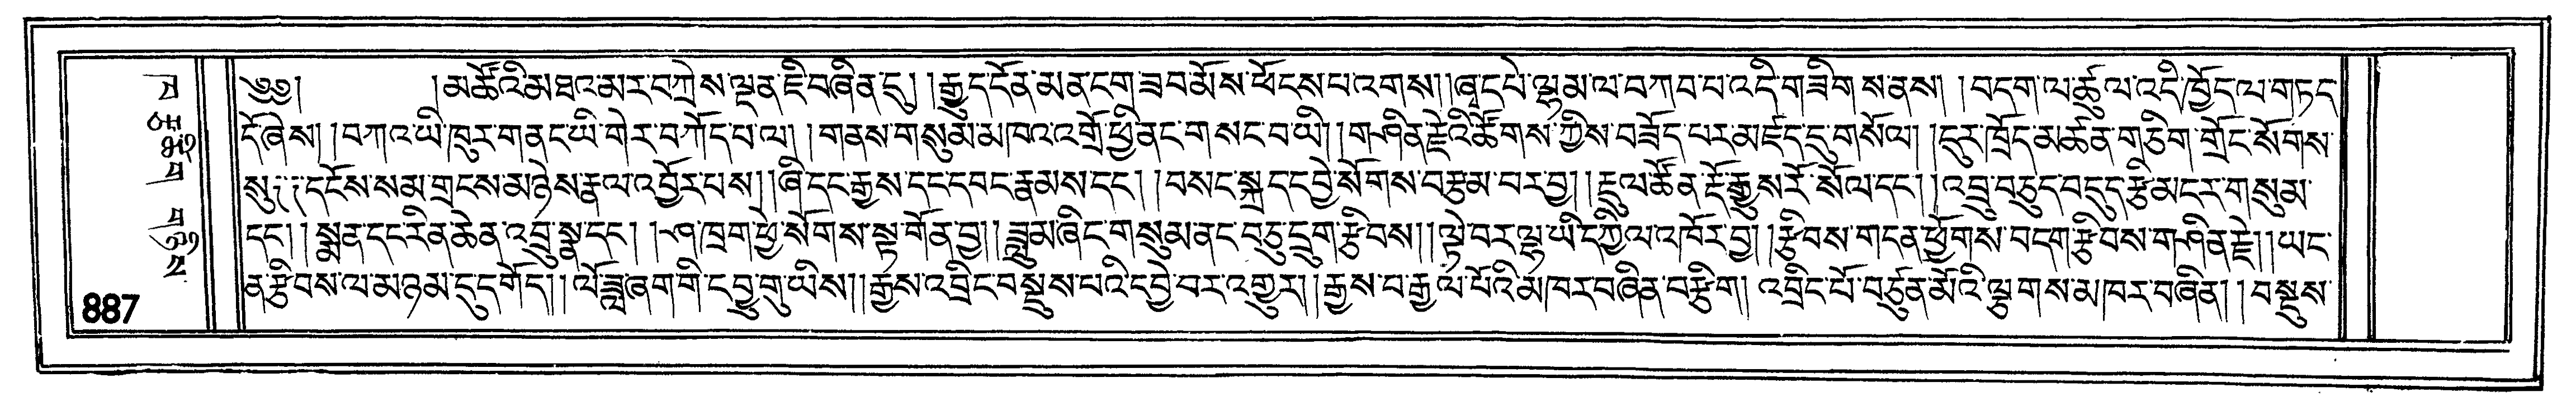༄༅། །མཚོའི་མཐའ་མར་བཀྲེས་ལྡན་ཇི་བཞིན་དུ། །རྒྱུད་དོན་མན་ངག་ཟབ་མོས་ཕོངས་པ་འགས། །ཞྭ་དཔེ་ལྷམ་ལ་བཀབ་པ་འདི་གཟིགས་ནས། །བདག་ལ་ཚུལ་འདི་ཁྱོད་ལ་གཏད་
དོ་ཞེས། །བཀའ་ཡི་ཁུར་གནང་ཡི་གེར་བཀོད་པ་ལ། །གནས་གསུམ་མཁའ་འགྲོ་ཕྱི་ནང་གསང་བ་ཡི། །གཤིན་རྗེའི་ཚོགས་ཀྱིས་བཟོད་པར་མཛད་དུ་གསོལ། །དུར་ཁྲོད་མཚན་གཅིག་གྲོང་སོགས་
སུ༑ ༑དངོས་སམ་གྲངས་མཉེས་རྣལ་འབྱོར་པས། །ཞི་དང་རྒྱས་དང་དབང་རྣམས་དང་། །བསང་སྐྲད་དབྱེ་སོགས་བརྩམ་པར་བྱ། །རྡུལ་ཚོན་རྡོ་རྒྱུས་རོ་སོལ་དང་། །འབྲུ་བཅུད་བདུད་རྩི་མངར་གསུམ་
དང་། །སྨན་དང་རིན་ཆེན་འབྲུ་སྣ་དང་། །ཤ་ཁྲག་ཕྱེ་སོགས་སྟ་གོན་བྱ། །ཟླུམ་ཞིང་གསུམ་ནང་བཅུ་དྲུག་རྩིབས། །ལྟེ་བར་ལྷ་ཡི་དཀྱིལ་འཁོར་བྱ། །རྩིབས་གདན་ཕྱོགས་བདག་རྩིབས་གཤིན་རྗེ། །ཡང་
ན་རྩིབས་ལ་མཉམ་དུ་དགོད། །ལོ་ཟླ་ཞག་གི་དབྱུ་གུ་ཡིས། །རྒྱས་འབྲིང་བསྡུས་པའི་དབྱེ་བར་འགྱུར། །རྒྱས་པ་རྒྱལ་པོའི་མཁར་བཞིན་བརྩིག །འབྲིང་པོ་བཙུན་མོའི་ལྕགས་མཁར་བཞིན། །བསྡུས་